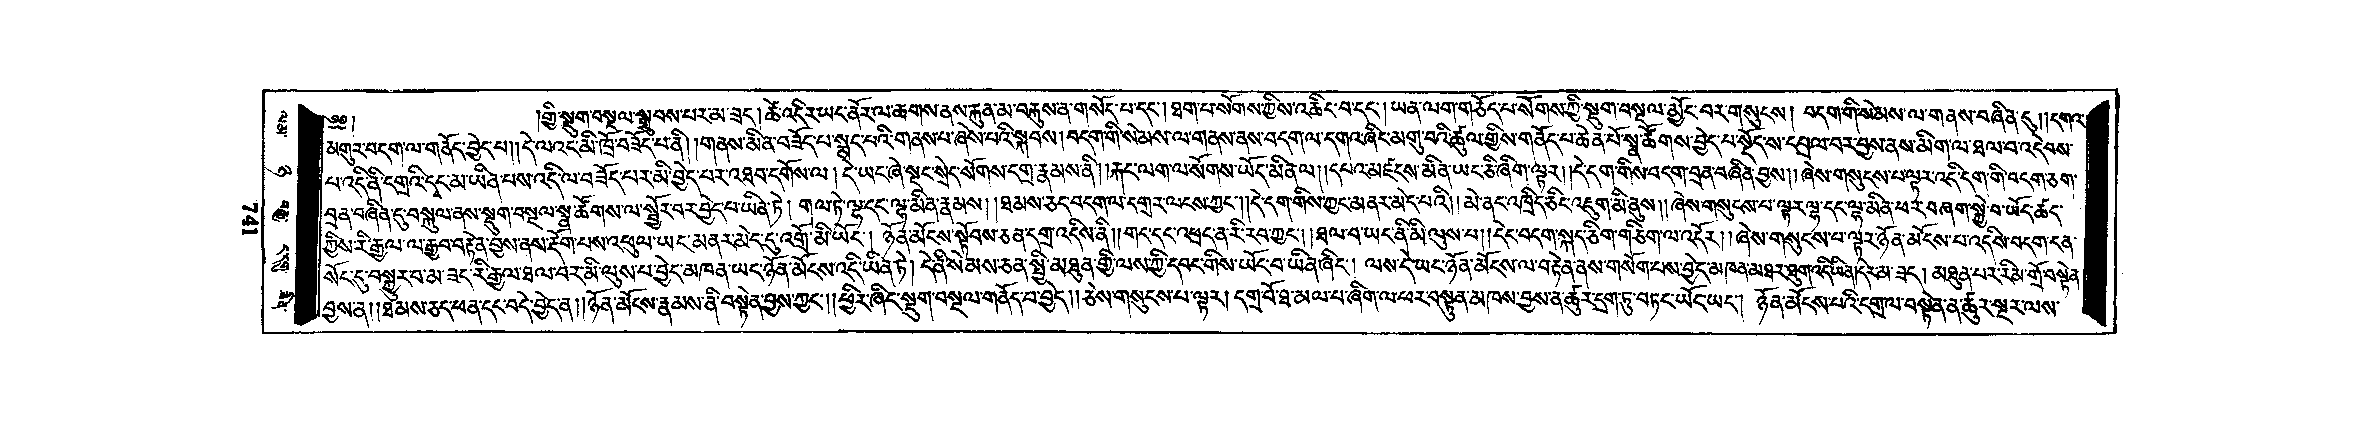༄༅། །གྱི་སྡུག་བསྔལ་སྒྲུབས་པར་མ་ཟད། ཚེ་འདིར་ཡང་ནོར་ལ་ཆགས་ནས་རྐུན་མ་བརྐུས་ན་གསོད་པ་དང་། ཐག་པ་སོགས་ཀྱིས་འཆིང་བ་དང་། ཡན་ལག་གཅོད་པ་སོགས་ཀྱི་སྡུག་བསྔལ་མྱོང་བར་གསུངས། བདག་གི་སེམས་ལ་གནས་བཞིན་དུ། །དགའ་
མགུར་བདག་ལ་གནོད་བྱེད་པ། །དེ་ལའང་མི་ཁྲོ་བཟོད་པ་ནི། །གནས་མིན་བཟོད་པ་སྨད་པའི་གནས་པ་ཞེས་པའི་སྐབས། བདག་གི་སེམས་ལ་གནས་ནས་བདག་ལ་དགའ་ཞིང་མགུ་བའི་ཚུལ་གྱིས་གནོད་པ་ཆེན་པོ་སྣ་ཚོགས་བྱེད་པ་སྡོད་ས་དཔྲལ་བར་བྱས་ནས་མིག་ལ་ཐལ་བ་འདེབས་
པ་འདི་ནི་དགྲའི་དྭང་མ་ཡིན་པས་འདི་ལ་བཟོད་པར་མི་བྱེད་པར་འཐབ་དགོས་ལ། དེ་ཡང་ཞེ་སྡང་སྲེད་སོགས་དགྲ་རྣམས་ནི། །རྐང་ལག་ལ་སོགས་ཡོད་མིན་ལ། །དཔའ་མཛངས་མིན་ཡང་ཅི་ཞིག་ལྟར། །དེ་དག་གིས་བདག་བྲན་བཞིན་བྱས། །ཞེས་གསུངས་པ་ལྟར་འདི་དག་གི་བདག་ཅག་
བྲན་བཞིན་དུ་བསྐུལ་ནས་སྡུག་བསྔལ་སྣ་ཚོགས་ལ་སྦྱོར་བར་བྱེད་པ་ཡིན་ཏེ། གལ་ཏེ་ལྷ་དང་ལྷ་མིན་རྣམས། །ཐམས་ཅད་བདག་ལ་དགྲར་ལངས་ཀྱང་། །དེ་དག་གིས་ཀྱང་མནར་མེད་པའི། །མེ་ནང་འཁྲིད་ཅིང་འཇུག་མི་ནུས། །ཞེས་གསུངས་པ་ལྟར་ལྷ་དང་ལྷ་མིན་ཕར་བཞག་སྐྱེ་བ་ཡོད་ཚད་
ཀྱིས་རི་རྒྱལ་ལ་རྒྱབ་བརྟེན་བྱས་ནས་རྡོག་པས་འཕུལ་ཡང་མནར་མེད་དུ་འགྲོ་མི་ཡོང་། ཉོན་མོངས་སྟོབས་ཅན་དགྲ་འདིས་ནི། །གང་དང་འཕྲད་ན་རི་རབ་ཀྱང་། །ཐལ་བ་ཡང་ནི་མི་ལུས་པ། །དེང་བདག་སྐད་ཅིག་གཅིག་ལ་འདོར། །ཞེས་གསུངས་པ་ལྟར་ཉོན་མོངས་པ་འདིས་བདག་ངན་
སོང་དུ་བསྐྱུར་བ་མ་ཟད་རི་རྒྱལ་ཐལ་བར་མི་ལུས་པ་བྱེད་མཁན་ཡང་ཉོན་མོངས་འདི་ཡིན་ཏེ། དེ་ནི་སེམས་ཅན་སྤྱི་མཐུན་གྱི་ལས་ཀྱི་དབང་གིས་ཡོང་བ་ཡིན་ཞིང་། ལས་དེ་ཡང་ཉོན་མོངས་ལ་བརྟེན་ནས་གསོག་པས་བྱེད་མཁན་མཐར་ཐུག་འདི་ཡིན། དེར་མ་ཟད། མཐུན་པར་རིམ་གྲོ་བསྟེན་
བྱས་ན། །ཐམས་ཅད་ཕན་དང་བདེ་བྱེད་ན། །ཉོན་མོངས་རྣམས་ནི་བསྟེན་བྱས་ཀྱང་། །ཕྱིར་ཞིང་སྡུག་བསྔལ་གནོད་པ་བྱེད། །ཅེས་གསུངས་པ་ལྟར། དགྲ་བོ་ཐ་མལ་པ་ཞིག་ལ་ཕར་བསྟུན་མཁས་བྱས་ན་ཚུར་དྲག་ཏུ་བཏང་ཡོང་ཡང་། ཉོན་མོངས་པའི་དགྲ་ལ་བསྟེན་ན་ཚུར་སྔར་ལས་